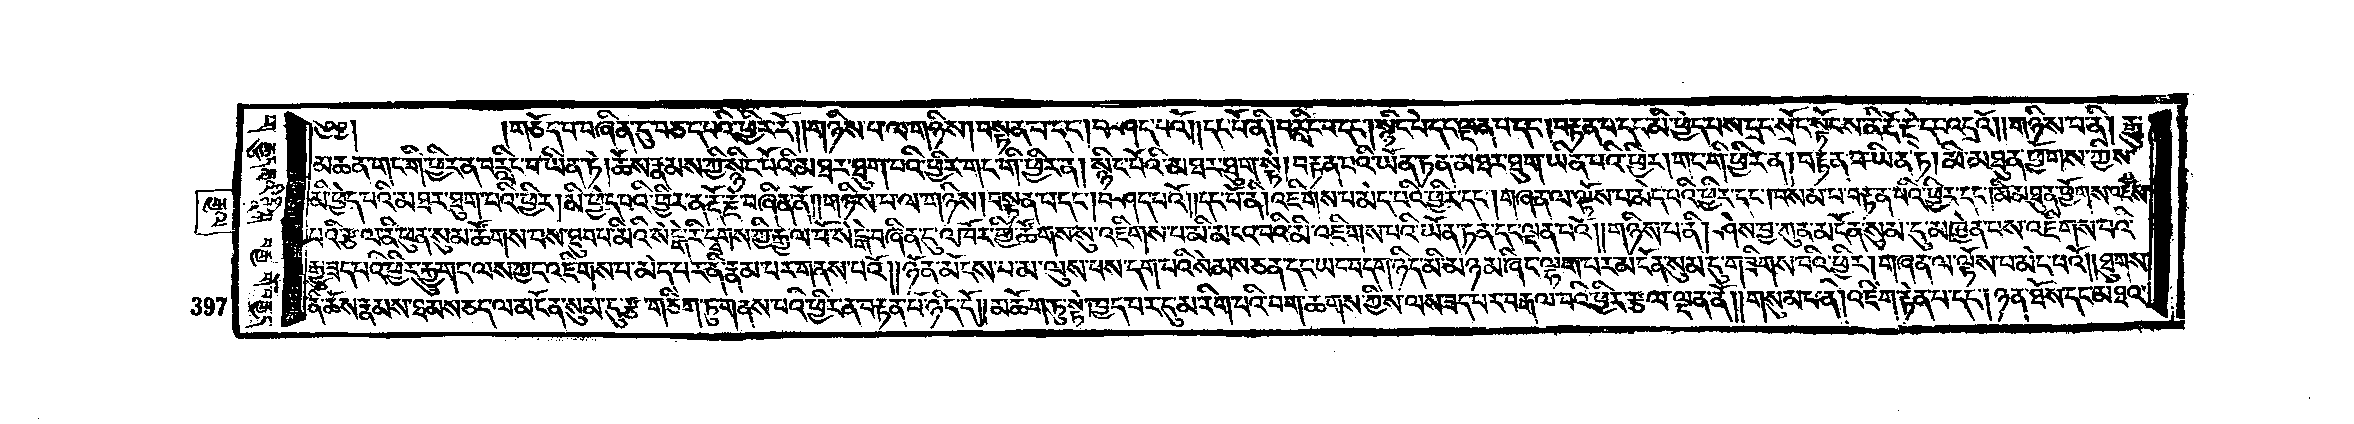༄༅། །གཅོད་པ་བཞིན་དུ་བཅད་པའི་ཕྱིར་རོ། །གཉིས་པ་ལ་གཉིས། བསྟན་པ་དང་། བཤད་པའོ། །དང་པོ་ནི། བརླིང་བ་དང་། སྙིང་པོ་དང་ལྡན་པ་དང་། བརྟན་པ་དང་མི་ཕྱེད་པས་དྲང་སྲོང་སྟོབས་ནི་རྡོ་རྗེ་དང་འདྲའོ། །གཉིས་པ་ནི། རྒྱུ་
མཚན་གང་གི་ཕྱིར་ན་བརླིང་བ་ཡིན་ཏེ། ཆོས་རྣམས་ཀྱི་སྙིང་པོའི་མཐར་ཐུག་པའི་ཕྱིར་གང་གི་ཕྱིར་ན། སྙིང་པོའི་མཐར་ཐུག་སྟེ། བརྟན་པའི་ཡོན་ཏན་མཐར་ཐུག་ཡིན་པའི་ཕྱིར། གང་གི་ཕྱིར་ན། བརྟན་པ་ཡིན་ཏེ། མི་མཐུན་ཕྱོགས་ཀྱིས་
མི་ཕྱེད་པའི་མཐར་ཐུག་པའི་ཕྱིར། མི་ཕྱེད་པའི་ཕྱིར་ན་རྡོ་རྗེ་བཞིན་ནོ། །གཉིས་པ་ལ་གཉིས། བསྟན་པ་དང་། བཤད་པའོ། །དང་པོ་ནི། འཇིགས་པ་མེད་པའི་ཕྱིར་དང་། གཞན་ལ་ལྟོས་པ་མེད་པའི་ཕྱིར་དང་། བསམ་པ་བརྟན་པའི་ཕྱིར་དང་། མི་མཐུན་ཕྱོགས་འཇོམས་
པའི་རྩལ་ནི་ཕུན་སུམ་ཚོགས་པས་ཐུབ་པ་མིའི་སེངགེ་རི་དྭགས་ཀྱི་རྒྱལ་པོ་སེངགེ་བཞིན་དུ་འཁོར་གྱི་ཚོགས་སུ་འཇིགས་པ་མི་མངའ་བའི་མི་འཇིགས་པའི་ཡོན་ཏན་དང་ལྡན་པའོ། །གཉིས་པ་ནི། ཤེས་བྱ་ཀུན་མངོན་སུམ་དུ་མཁྱེན་པས་འཇིགས་པའི་
རྒྱུ་ཟད་པའི་ཕྱིར་རྒྱུ་གང་ལས་ཀྱང་འཇིགས་པ་མེད་པར་ནི་རྣམ་པར་གནས་པའོ། །ཉོན་མོངས་པ་མ་ལུས་པས་དག་པའི་སེམས་ཅན་དང་ཡང་བདག་ཉིད་མི་མཉམ་ཞིང་ལྷག་པར་མངོན་སུམ་དུ་གཟིགས་པའི་ཕྱིར། གཞན་ལ་ལྟོས་པ་མེད་པའོ། །ཐུགས་
ནི་ཆོས་རྣམས་ཐམས་ཅད་ལ་མངོན་སུམ་དུ་རྩ་གཅིག་ཏུ་གནས་པའི་ཕྱིར་ན་བརྟན་པོ་ཉིད་དོ། །མཆོག་ཏུ་སྟེ་ཁྱད་པར་དུ་མ་རིག་པའི་བག་ཆགས་ཀྱིས་ལས་ཟད་པར་བརྒལ་བའི་ཕྱིར་རྩལ་ལྡན་ནོ། །གསུམ་པ་ནི། འཇིག་རྟེན་པ་དང་། ཉན་ཐོས་དང་མཐའ་